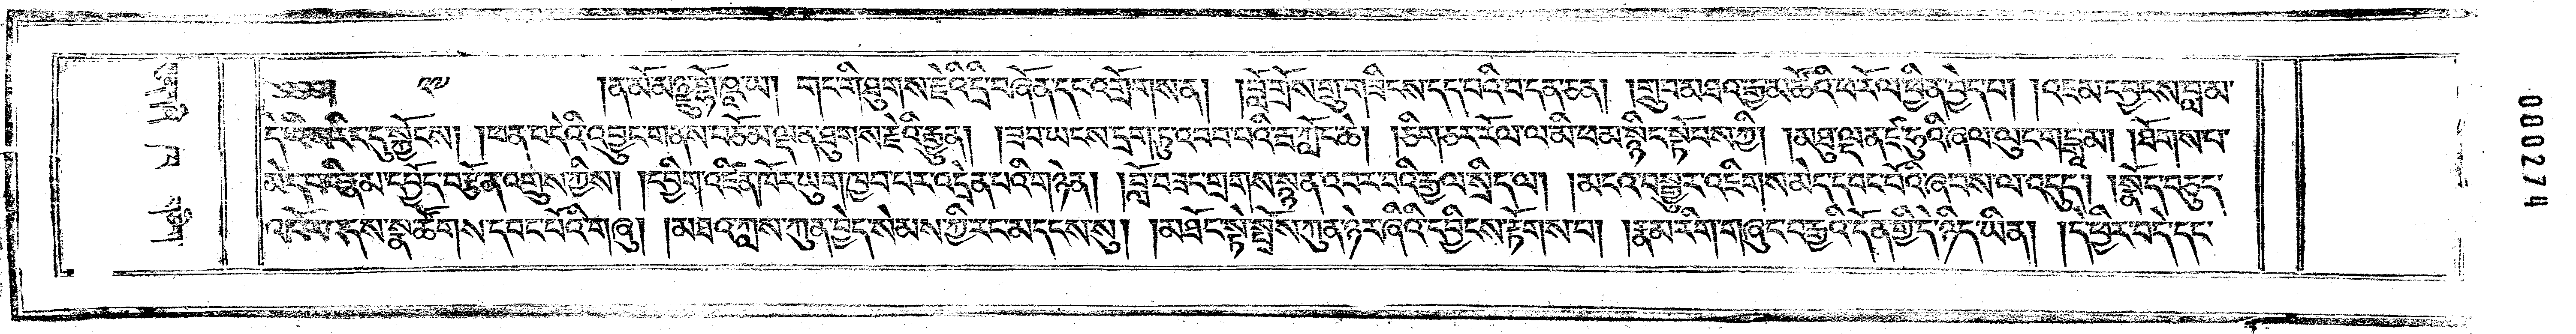༄༅༅། ༢༧་།ན་མོ་མཉྫུ་གྷོ་ཥཱ་ཡ། །གང་གི་ཐུགས་རྗེའི་དྲི་བཞོན་དང་འགྲོགས་ན། །བློ་གྲོས་གྲུ་གཟིངས་དད་པའི་བ་དན་ཅན། །གྲུབ་མཐའ་རྒྱ་མཚོའི་ཕ་རོལ་ཕྱིན་བྱེད་པ། །འཇམ་དབྱངས་བླ་མ་
དེ་ཡིས་རིང་དུ་སྐྱོངས། །ཕན་བདེའི་འབྱུང་གནས་བཅོམ་ལྡན་ཐུགས་རྗེའི་རྒྱུན། །ཟབ་ཡངས་དྲག་ཏུ་འབབ་པའི་རྦ་ཀློང་ཆེ། །ཅིག་ཅར་རོལ་ལ་མི་ཕམ་སྙིང་སྟོབས་ཀྱི། །མཐུ་ལྡན་ཛ་ཧུའི་ཞལ་ལུང་གངྒཱ་མ། །ཐོགས་པ་
མེད་པའི་རྣམ་དབྱོད་བརྩོན་འགྲུས་ཀྱིས། །དབྱིག་འཛིན་ཁོར་ཡུག་ཁྱབ་པར་འདྲེན་པའི་གཉེན། །བློ་བཟང་གྲགས་སྙན་འབར་བའི་རྒྱལ་སྲིད་ལ། །མངའ་བསྒྱུར་འཇིགས་མེད་དབང་པོའི་ཞབས་ལ་འདུད། །སྣོད་བཅུད་
འཁོར་འདས་སྣ་ཚོགས་དབང་པོའི་གཞུ། །མཐའ་ཀླས་ཀུན་བྱེད་སེམས་ཀྱི་རང་མདངས་སུ། །མཐོང་སྟེ་སྤྲོས་ཀུན་ཉེར་ཞིའི་དབྱིངས་རྟོགས་པ། །རྣམ་རིག་གཞུང་བརྒྱའི་དོན་གྱི་དེ་ཉིད་ཡིན། །དེ་ཕྱིར་བདེ་དང་